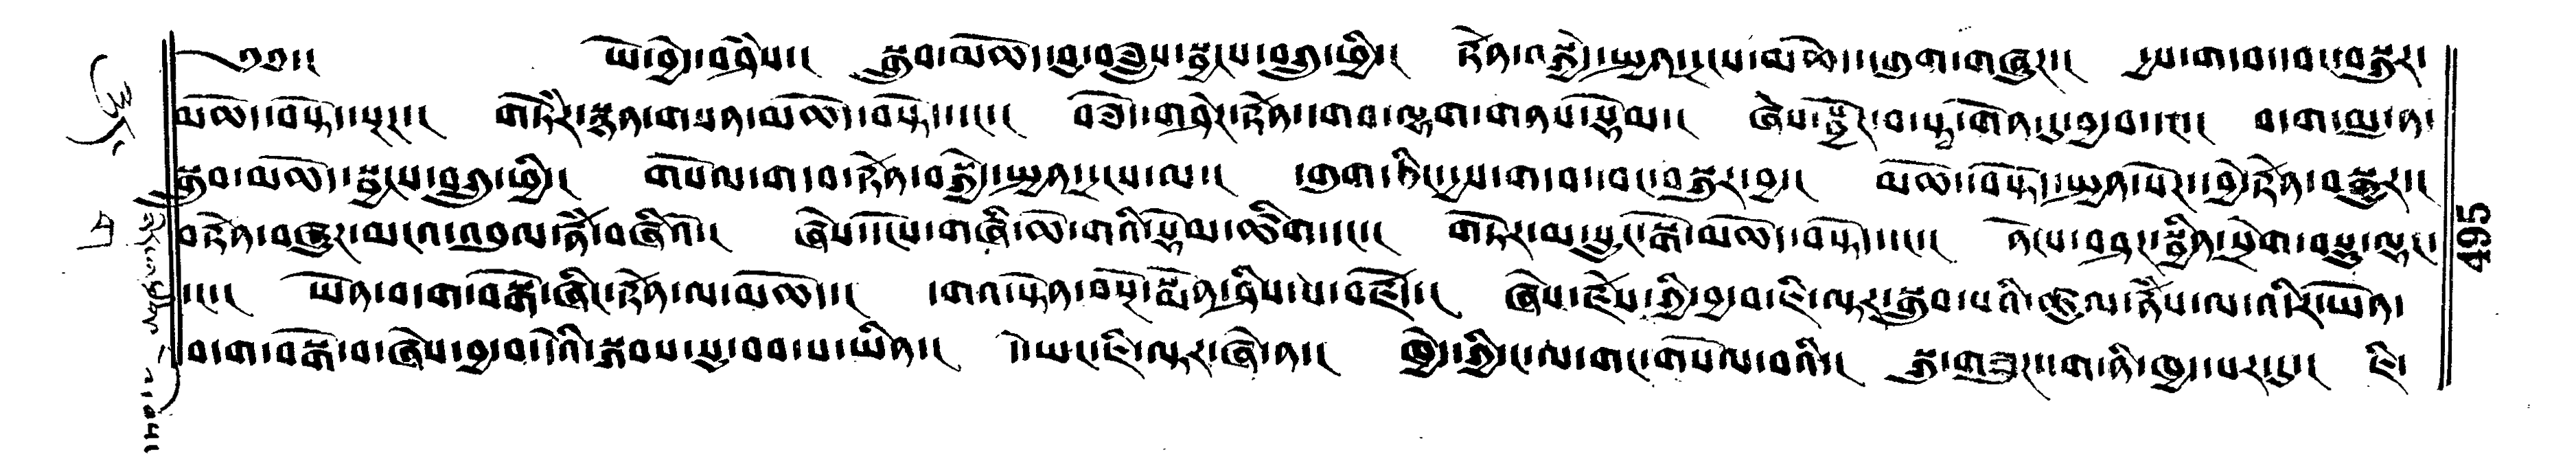ཡོ་བྱད་བཤམས། །སྒྲུབ་མཆོད་དབུ་བཟླས་སྦྱངས་བཀྲུ་ཕྱི། །རྟེན་བསྐྱེད་སྤྱན་དྲངས་ཆེད་དགུག་གཞུགས། །རྒྱས་གདབ་དབང་བསྐུར་
མཆོད་བསྟོད་སྔགས། །གཏོར་མ་སྙན་གསན་མཆོད་བསྟོད་དང་། །བཟོད་གཤེགས་རྟེན་དགབ་ལྷག་གནས་སྡོམ། ཞེས་སྦྱོར་བ་སྟ་གོན་དུ་བྱ་བ་དང་། བདག་མདུན་
སྒྲུབ་མཆོད་སྦྱངས་བཀྲུ་ཕྱི། །གསོལ་གདབ་རྟེན་བསྐྱེད་སྤྱན་དྲངས་ལ། །དགུག་ཅིང་རྒྱས་གདབ་དབང་བསྐུར་བྱ། །མཆོད་བསྟོད་སྤྱན་སོགས་དབྱེ་རྟེན་བསྒྱུར། །
བརྟེན་བཞུགས་མངའ་རྣམ་བཞིའོ། ཞེས་དངོས་གཞི་ཆོ་གའི་སྡོམ་ཚིག་དང་། གཏོར་མ་སྲུང་སྒོ་མཆོད་བསྟོད་དང་། །ནོངས་བཤགས་སྦྱིན་སྲེག་བསྡུ་ལྡང་
དང་། །ཡོན་བདག་བསྒོ་ཞིང་རྟེན་ལ་མཆོད། །དགའ་སྟོན་བསྔོ་སྨོན་ཤིས་པ་བརྗོད། ཞེས་རྗེས་ཀྱི་བྱ་བ་ཇི་ལྟར་སྒྲུབ་པའི་ཚུལ་རྣམས་ལས་འདིར་ཡོན་
བདག་བསྒོ་བ་ཞེས་བྱ་བ་དེའི་སྐབས་སུ་བབས་པ་ཡིན། དེ་ཡང་ཇི་ལྟར་ཞེ་ན། ཁྱེད་ཀྱི་ང་ལ་གང་གསོལ་བའི། །སྐུ་གཟུགས་དག་ནི་ཁྱད་པར་དུ།